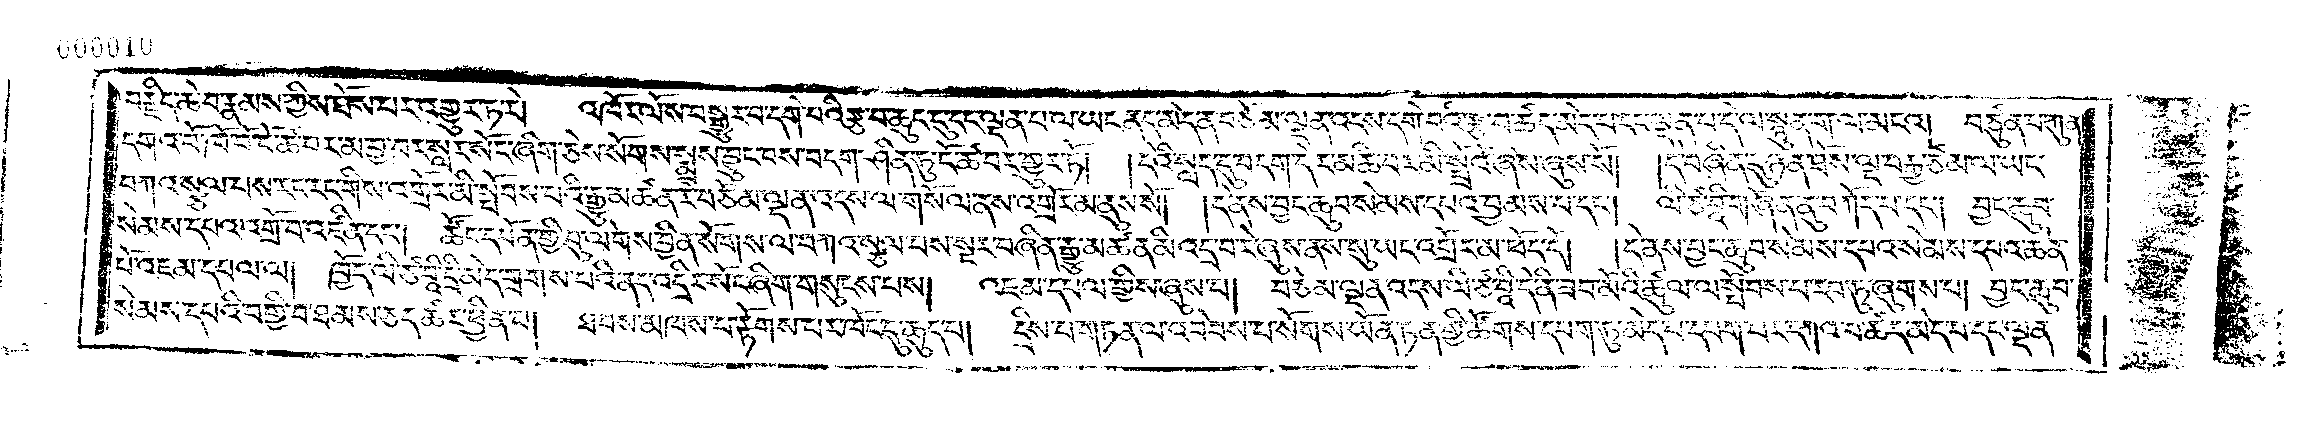བརྗིད་ཆེ་བ་རྣམས་ཀྱིས་ཐོས་པར་འགྱུར་ཏ་རེ། འཁོར་ལོས་བསྒྱུར་བ་དགེ་བའི་རྩ་བ་ཆུང་དུ་དང་ལྡན་པ་ལ་ཡང་ནད་མེད་ན་བཅོམ་ལྡན་འདས་དགེ་བའི་རྩ་བ་ཚད་མེད་པ་དང་ལྡན་པ་དེ་ལ་སྙུན་ག་ལ་མངའ། བཙུན་པ་ཀུན་
དགའ་བོ་ཁོ་བོ་ངོ་ཚ་བར་མ་བྱ་བར་སླར་སོང་ཞིག་ཅེས་སོགས་སྨྲས་བྱུང་བས་བདག་ཤིན་ཏུ་ངོ་ཚ་བར་གྱུར་ཏོ། །དེའི་སླད་དུ་བདག་དེར་མཆི་བར་མོ་སྤྲོའོ་ཞེས་ཞུས་སོ། །དེ་བཞིན་དུ་ཉན་ཐོས་ལྔ་བརྒྱ་ཙམ་ལ་ཡང་
བཀའ་སྩལ་པས་རང་རང་གིས་འགྲོར་མི་སྤོབས་པའི་རྒྱུ་མཚན་རེ་བཅོམ་ལྡན་འདས་ལ་གསོལ་ནས་འགྲོར་མ་ནུས་སོ། །དེ་ནས་བྱང་ཆུབ་སེམས་དཔའ་བྱམས་པ་དང་། ལི་ཙ་བཱི་གཞོན་ནུ་བཀོད་པ་དང་། བྱང་ཆུབ་
སེམས་དཔའ་འགྲོ་བ་འཛིན་དང་། ཚོང་དཔོན་གྱི་བུ་ལེགས་བྱིན་སོགས་ལ་བཀའ་སྩལ་པས་སྔར་བཞིན་རྒྱུ་མཚན་མི་འདྲ་བ་རེ་ཞུས་ནས་སུ་ཡང་འགྲོར་མ་ཕོད་དོ། །དེ་ནས་བྱང་ཆུབ་སེམས་དཔའ་སེམས་དཔའ་ཆེན་
པོ་འཇམ་དཔལ་ལ། ཁྱོད་ལི་ཙ་བཱི་དྲི་མེད་གྲགས་པའི་ནད་འདྲིར་སོང་ཞིག་གསུངས་པས། འཇམ་དཔལ་གྱིས་ཞུས་པ། བཅོམ་ལྡན་འདས་ལི་ཙ་བཱི་དེ་ནི་ཟབ་མོའི་ཚུལ་ལ་སྤོབས་པ་རབ་ཏུ་ཞུགས་པ། བྱང་ཆུབ་
སེམས་དཔའ་བགྱི་བ་ཐམས་ཅད་ཚར་ཕྱིན་པ། ཐབས་མཁས་པ་རྟོགས་པར་ཁོང་དུ་ཆུད་པ། དྲིས་པ་གཏན་ལ་འབེབས་པ་སོགས་ཡོན་ཏན་གྱི་ཚོགས་དཔག་ཏུ་མེད་པ་དཔག་པར་དཀའ་བ་ཚད་མེད་པ་དང་ལྡན་